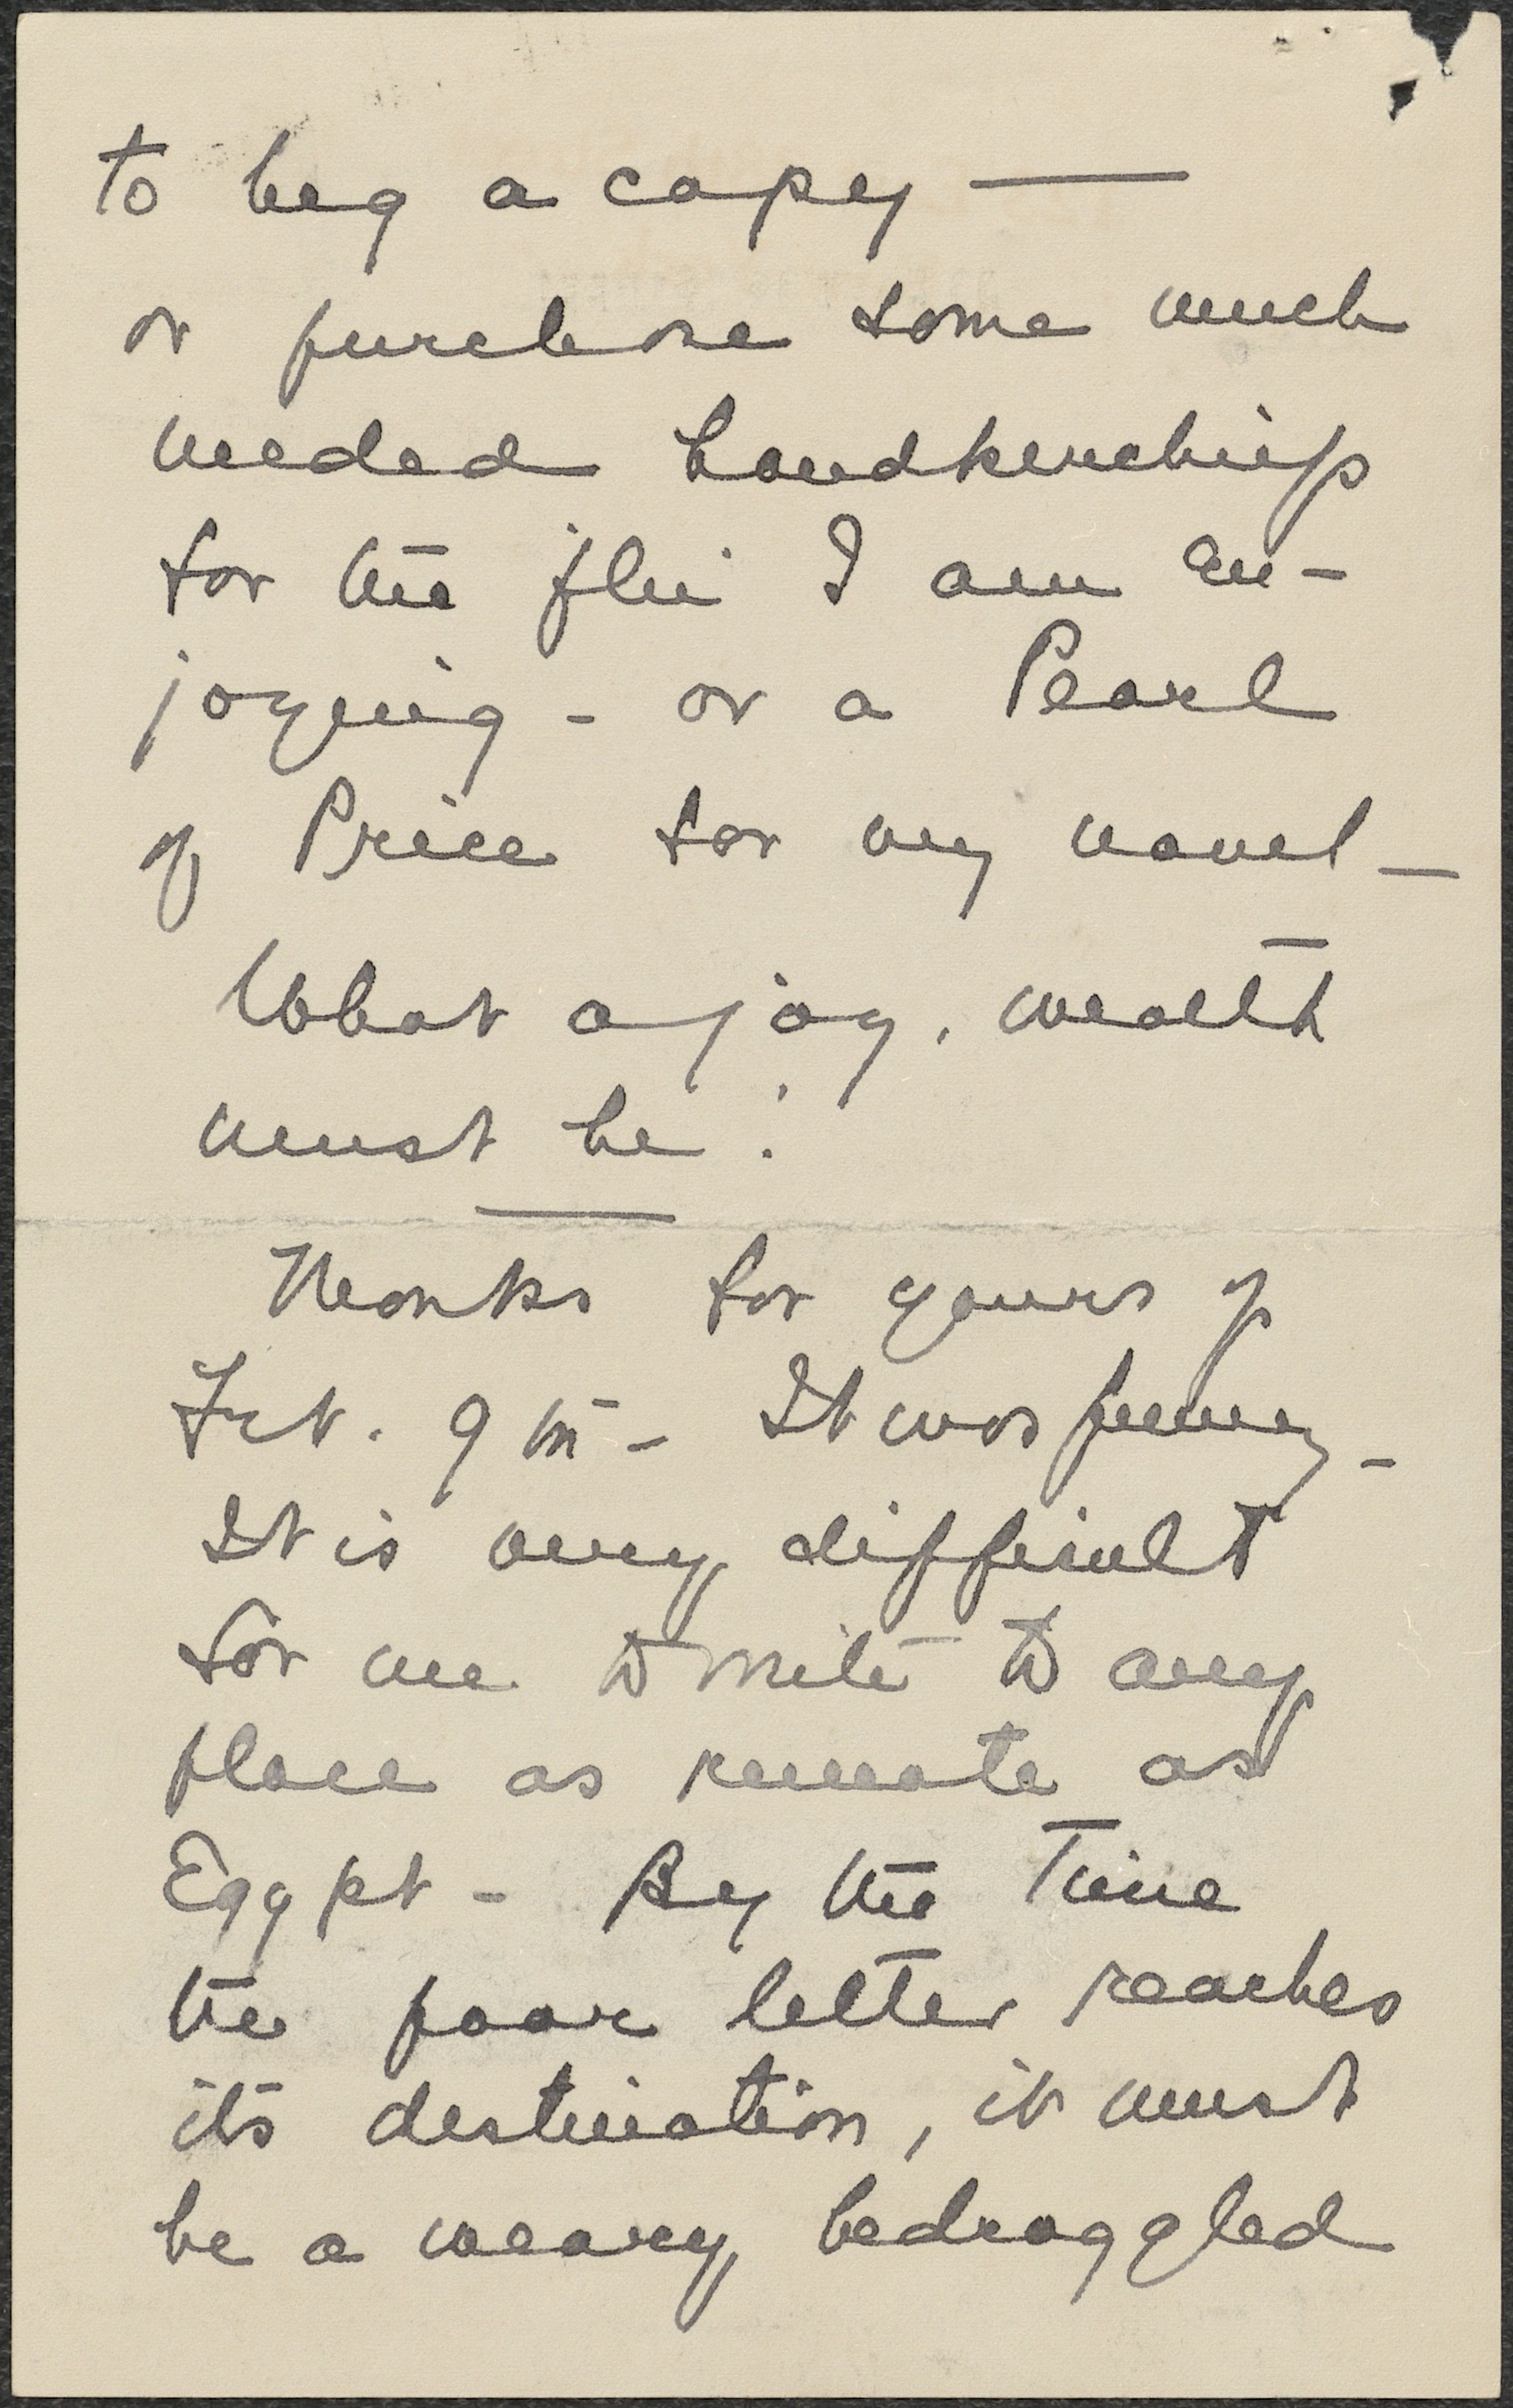to beg a copy – or purchase some much needed handkerchiefs for the "flu" I am enjoying – or a Pearl of Price for my novel –
What a joy, wealth must be!
Thanks for yours of Feb. 9th – It was funny – It is very difficult for me to write to any place as remote as Egypt – By the time the poor letter reaches its destination, it must be a weary bedraggled